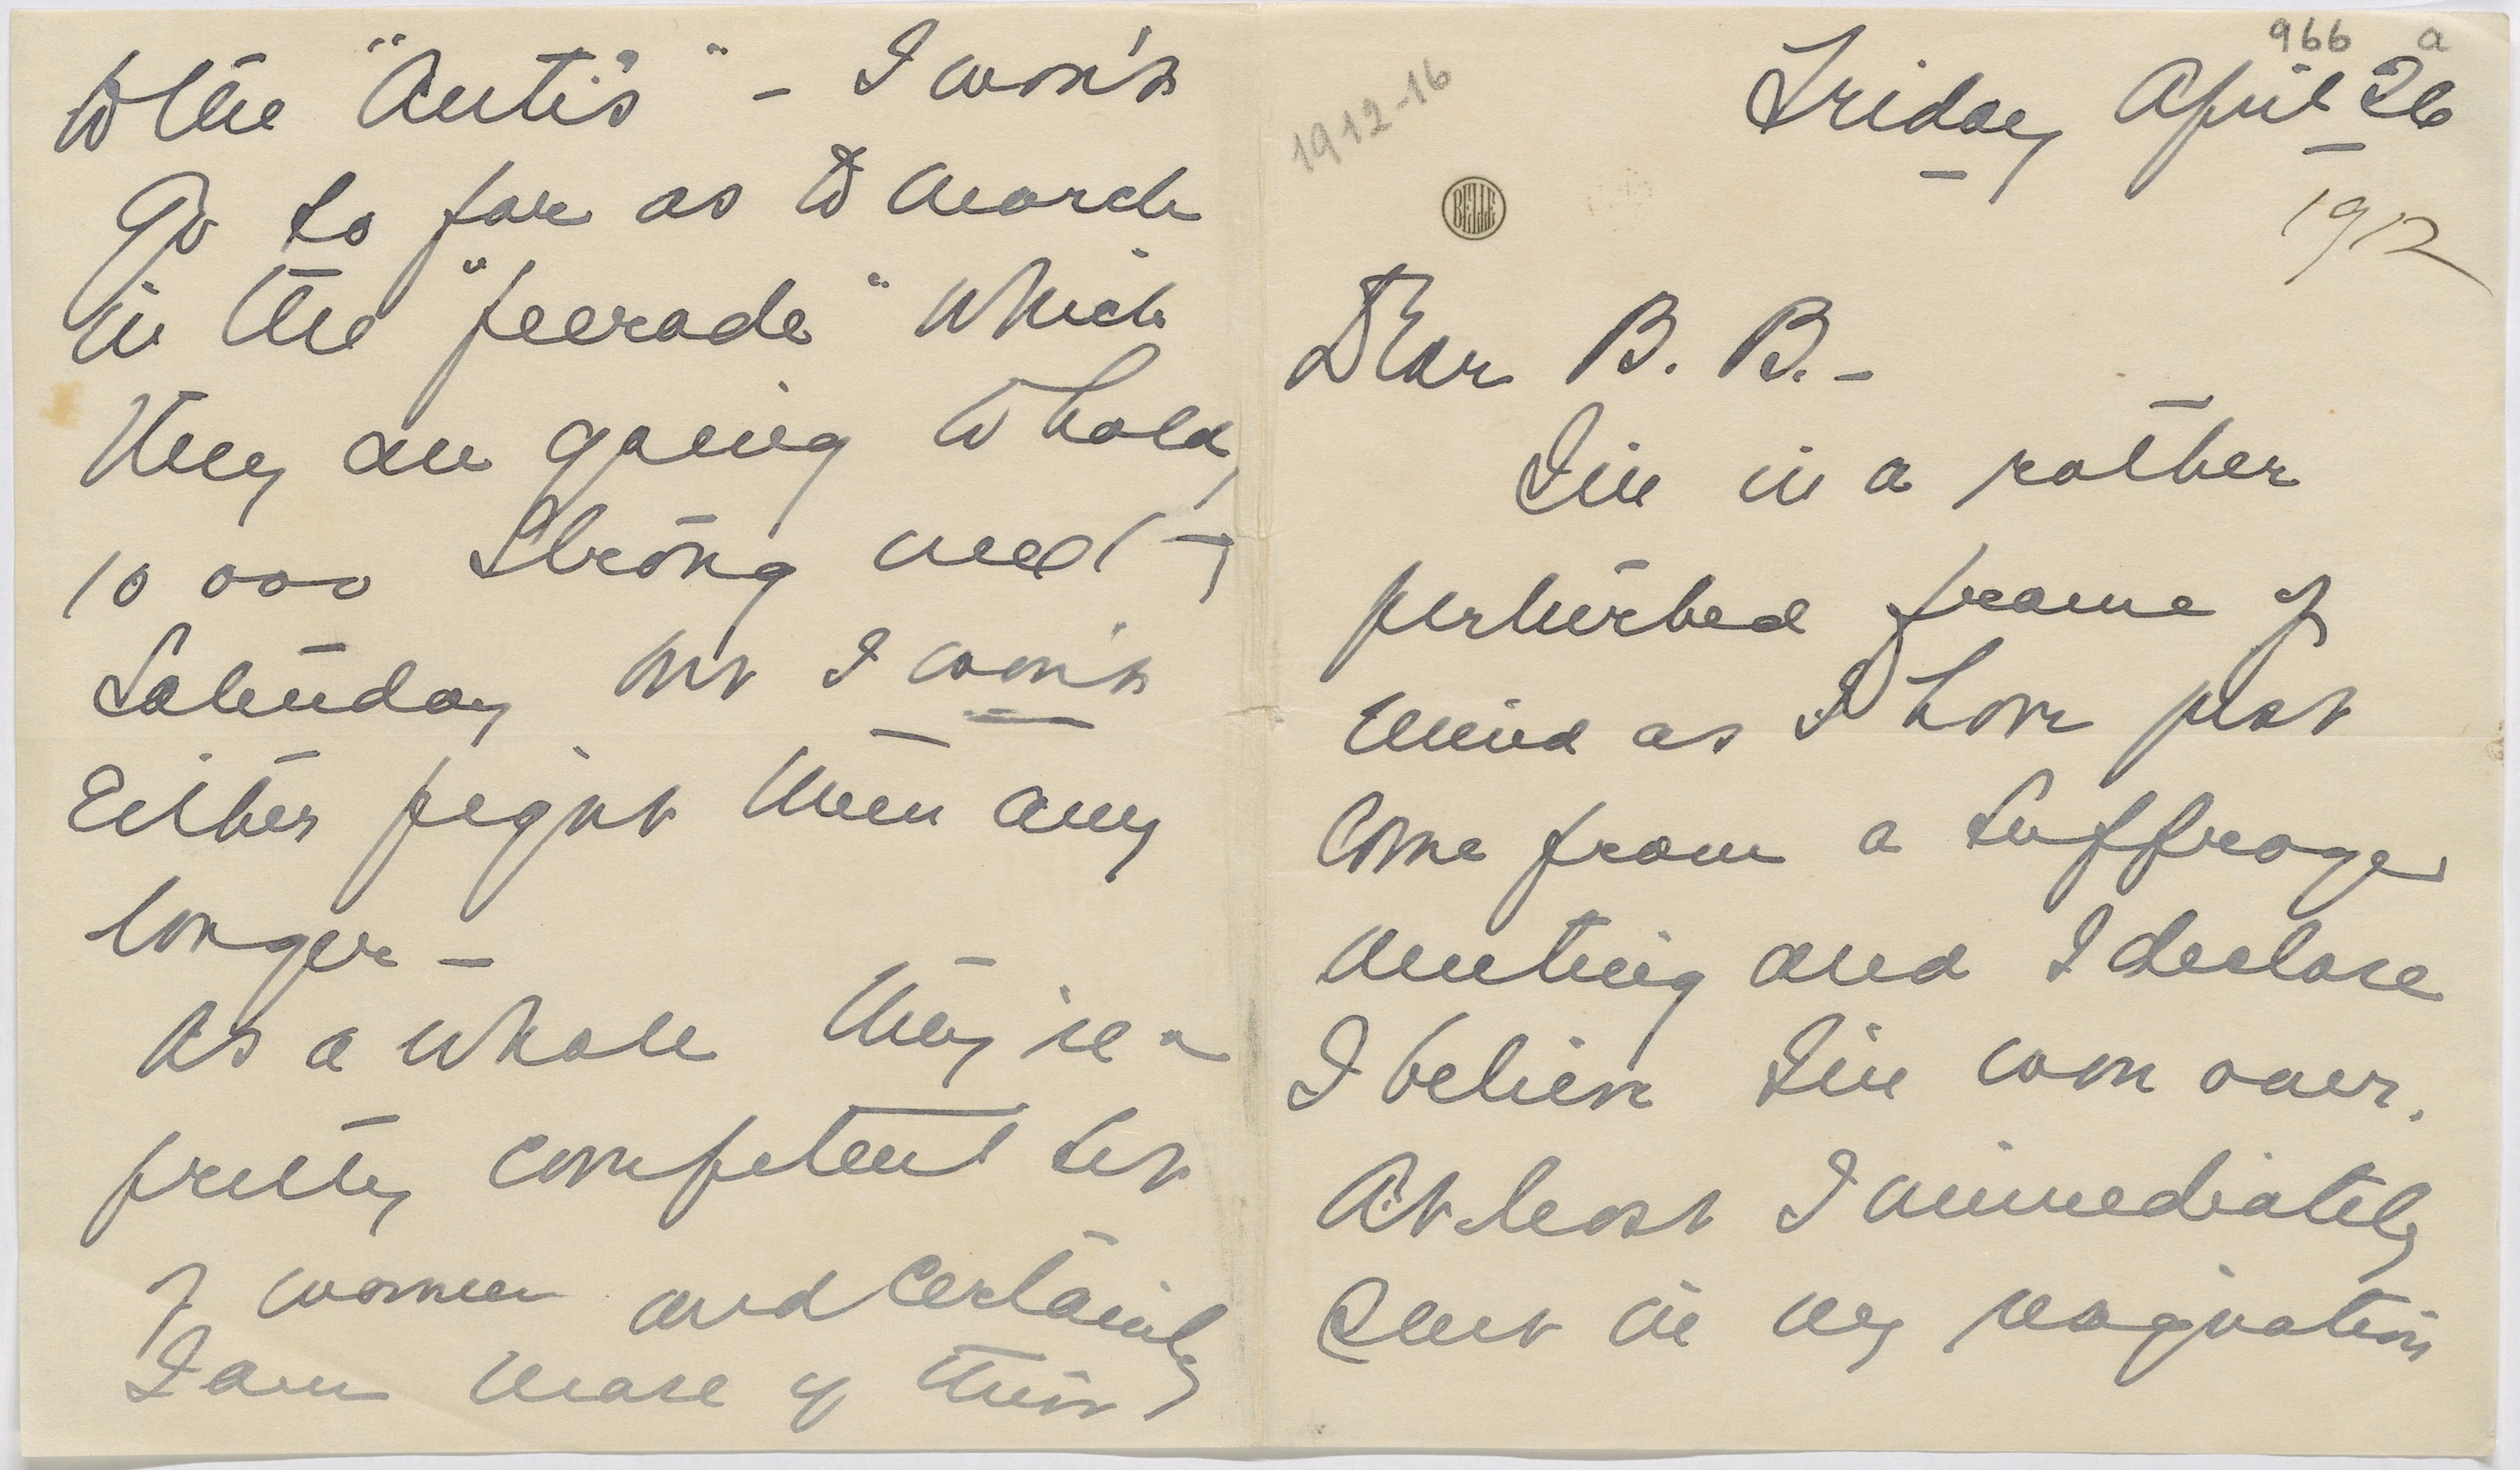Friday April 26
Dear B. B. –
I’m in a rather perturbed frame of mind as I have just come from a suffrage meeting and I declare I believe I’m won over. At least I immediately sent in my resignation
to the “Anti’s” – I won’t go so far as to march in the “peerade” which they are going to hold, 10,000 strong next Saturday but I won’t either fight them any longer –
As a whole they’re a pretty competent set of women and certainly I am more of their